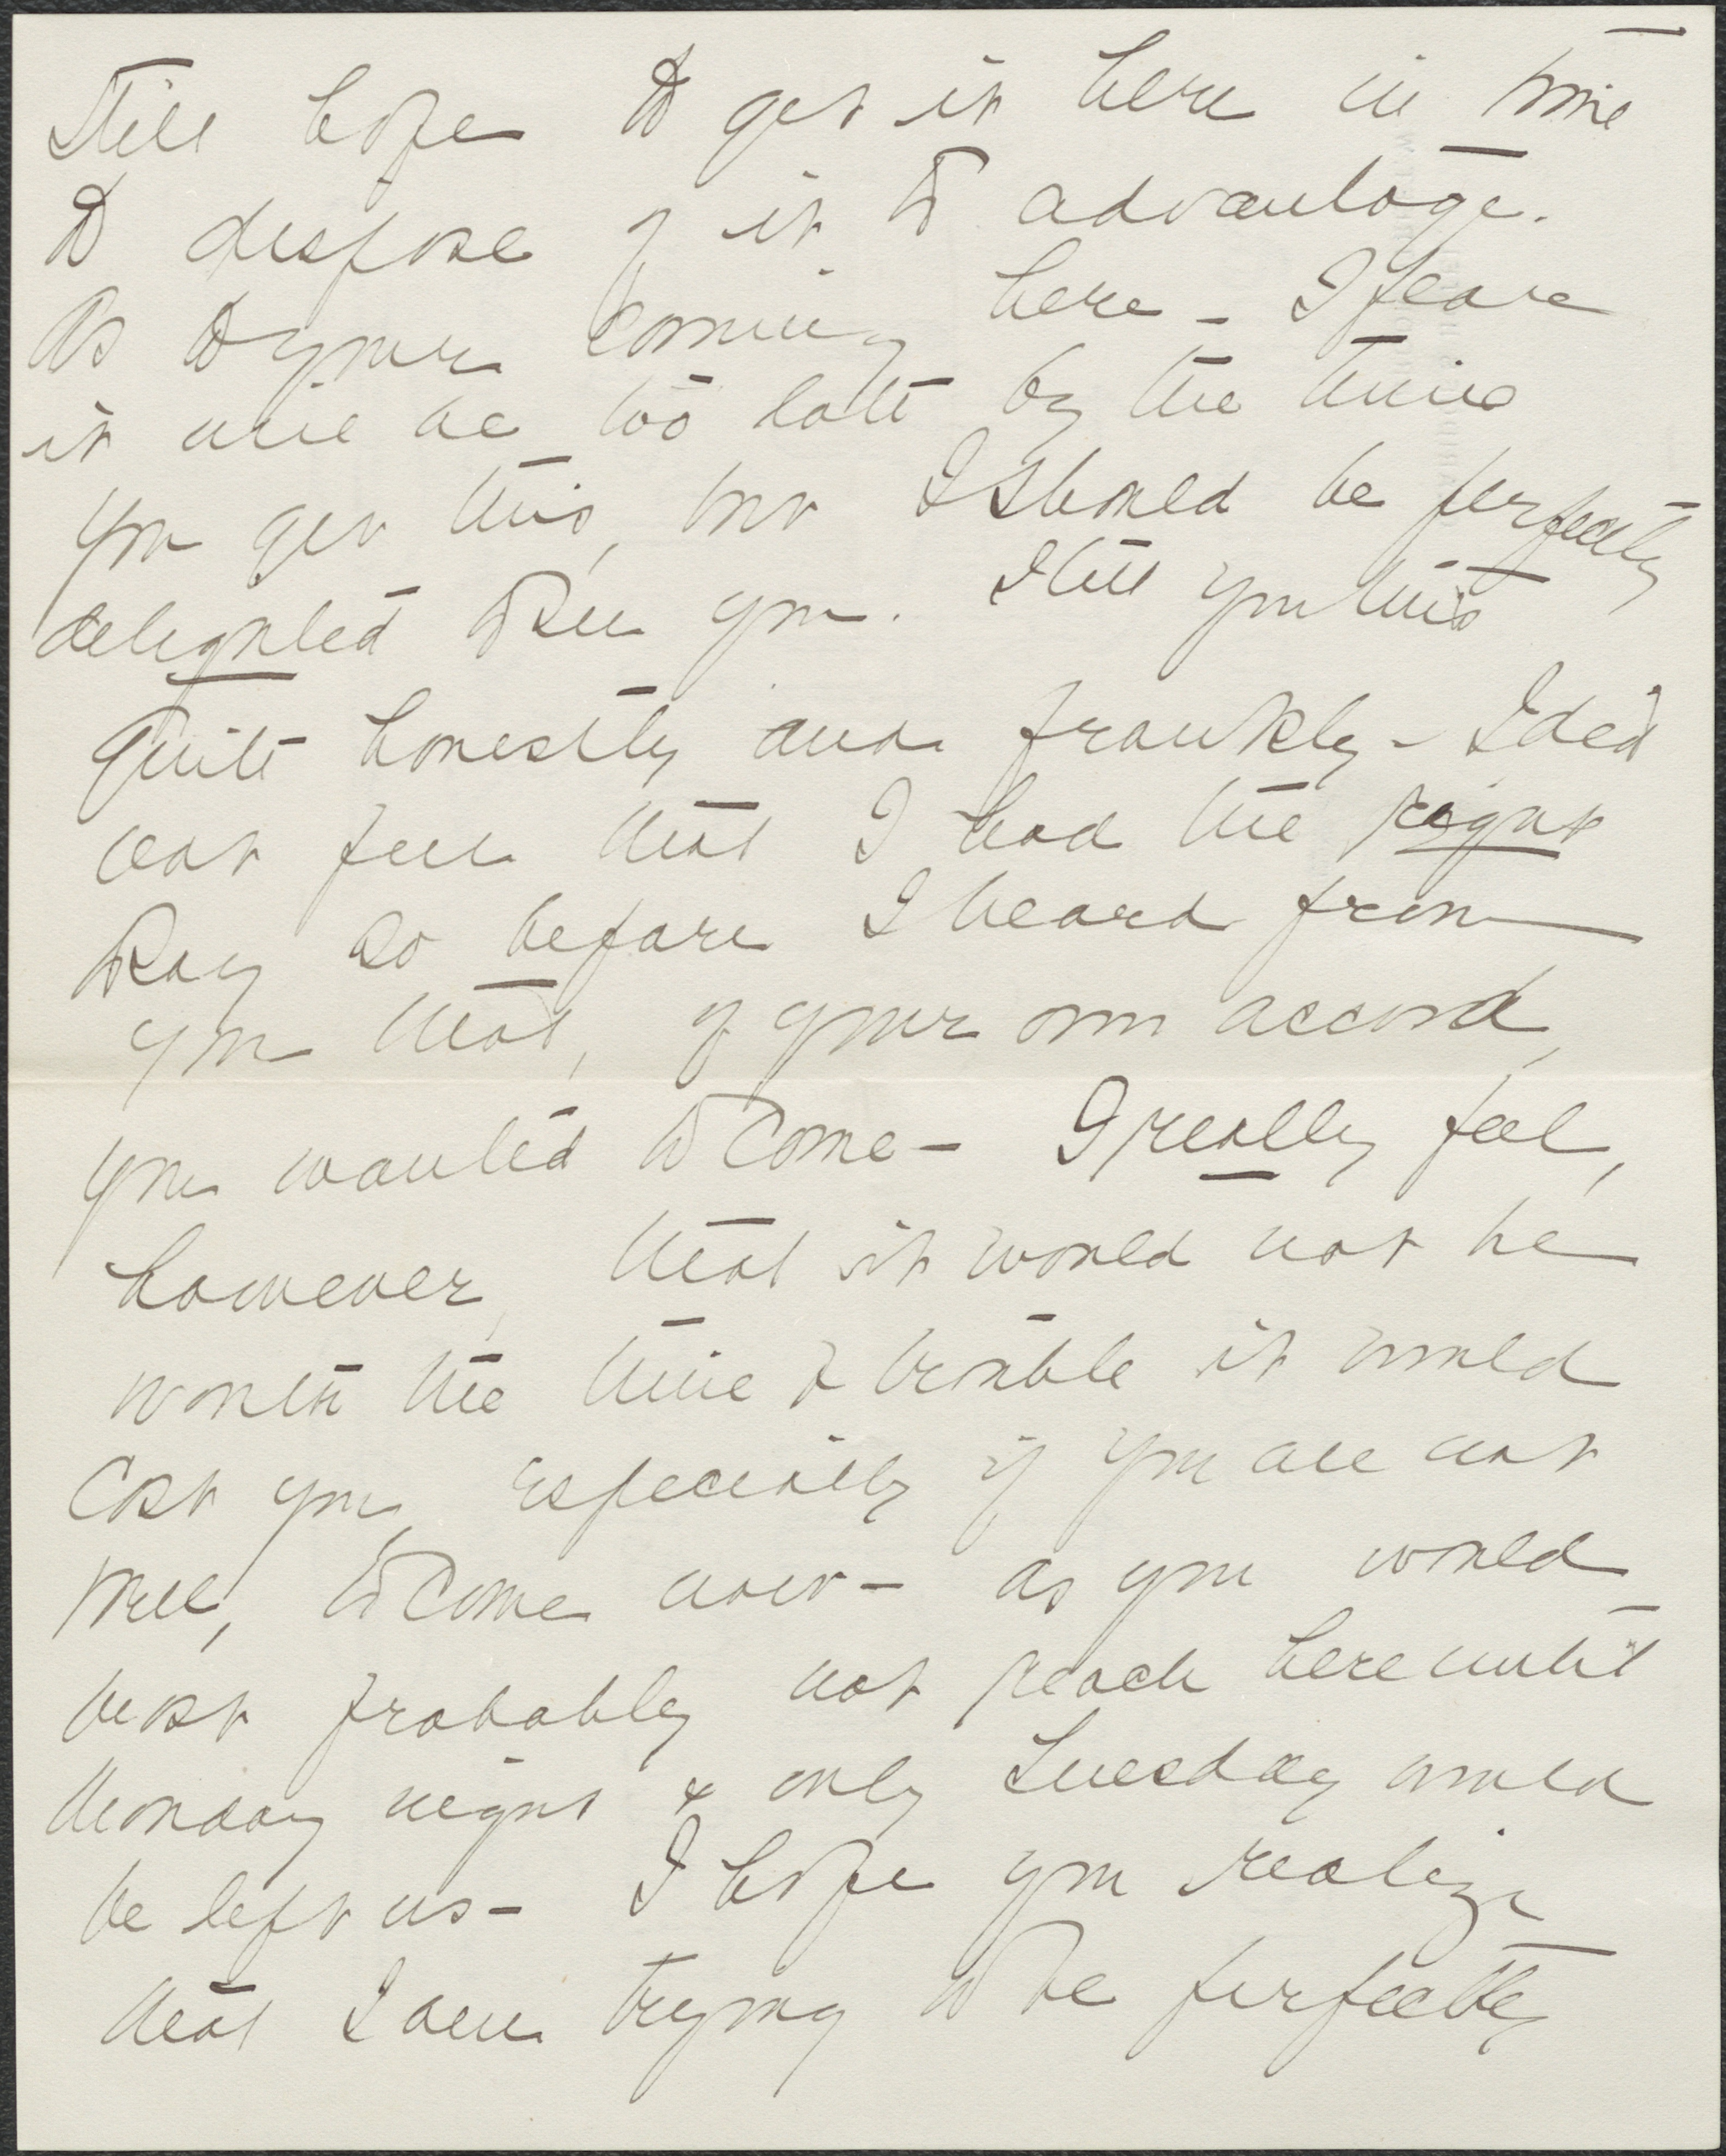still hope to get it here in time to dispose of it to advantage. As to your coming here – I fear it will be too late by the time you get this, but I should be perfectly delighted to see you. I tell you this quite honestly and frankly – I did not feel that I had the right to say so before I heard from you that, of your own accord, you wanted to come – I really feel, however, that it would not be worth the time & trouble it would cost you, especially if you are not well, to come now – as you would most probably not reach here until Monday night & only Tuesday would be left us – I hope you realize that I am trying to be perfectly